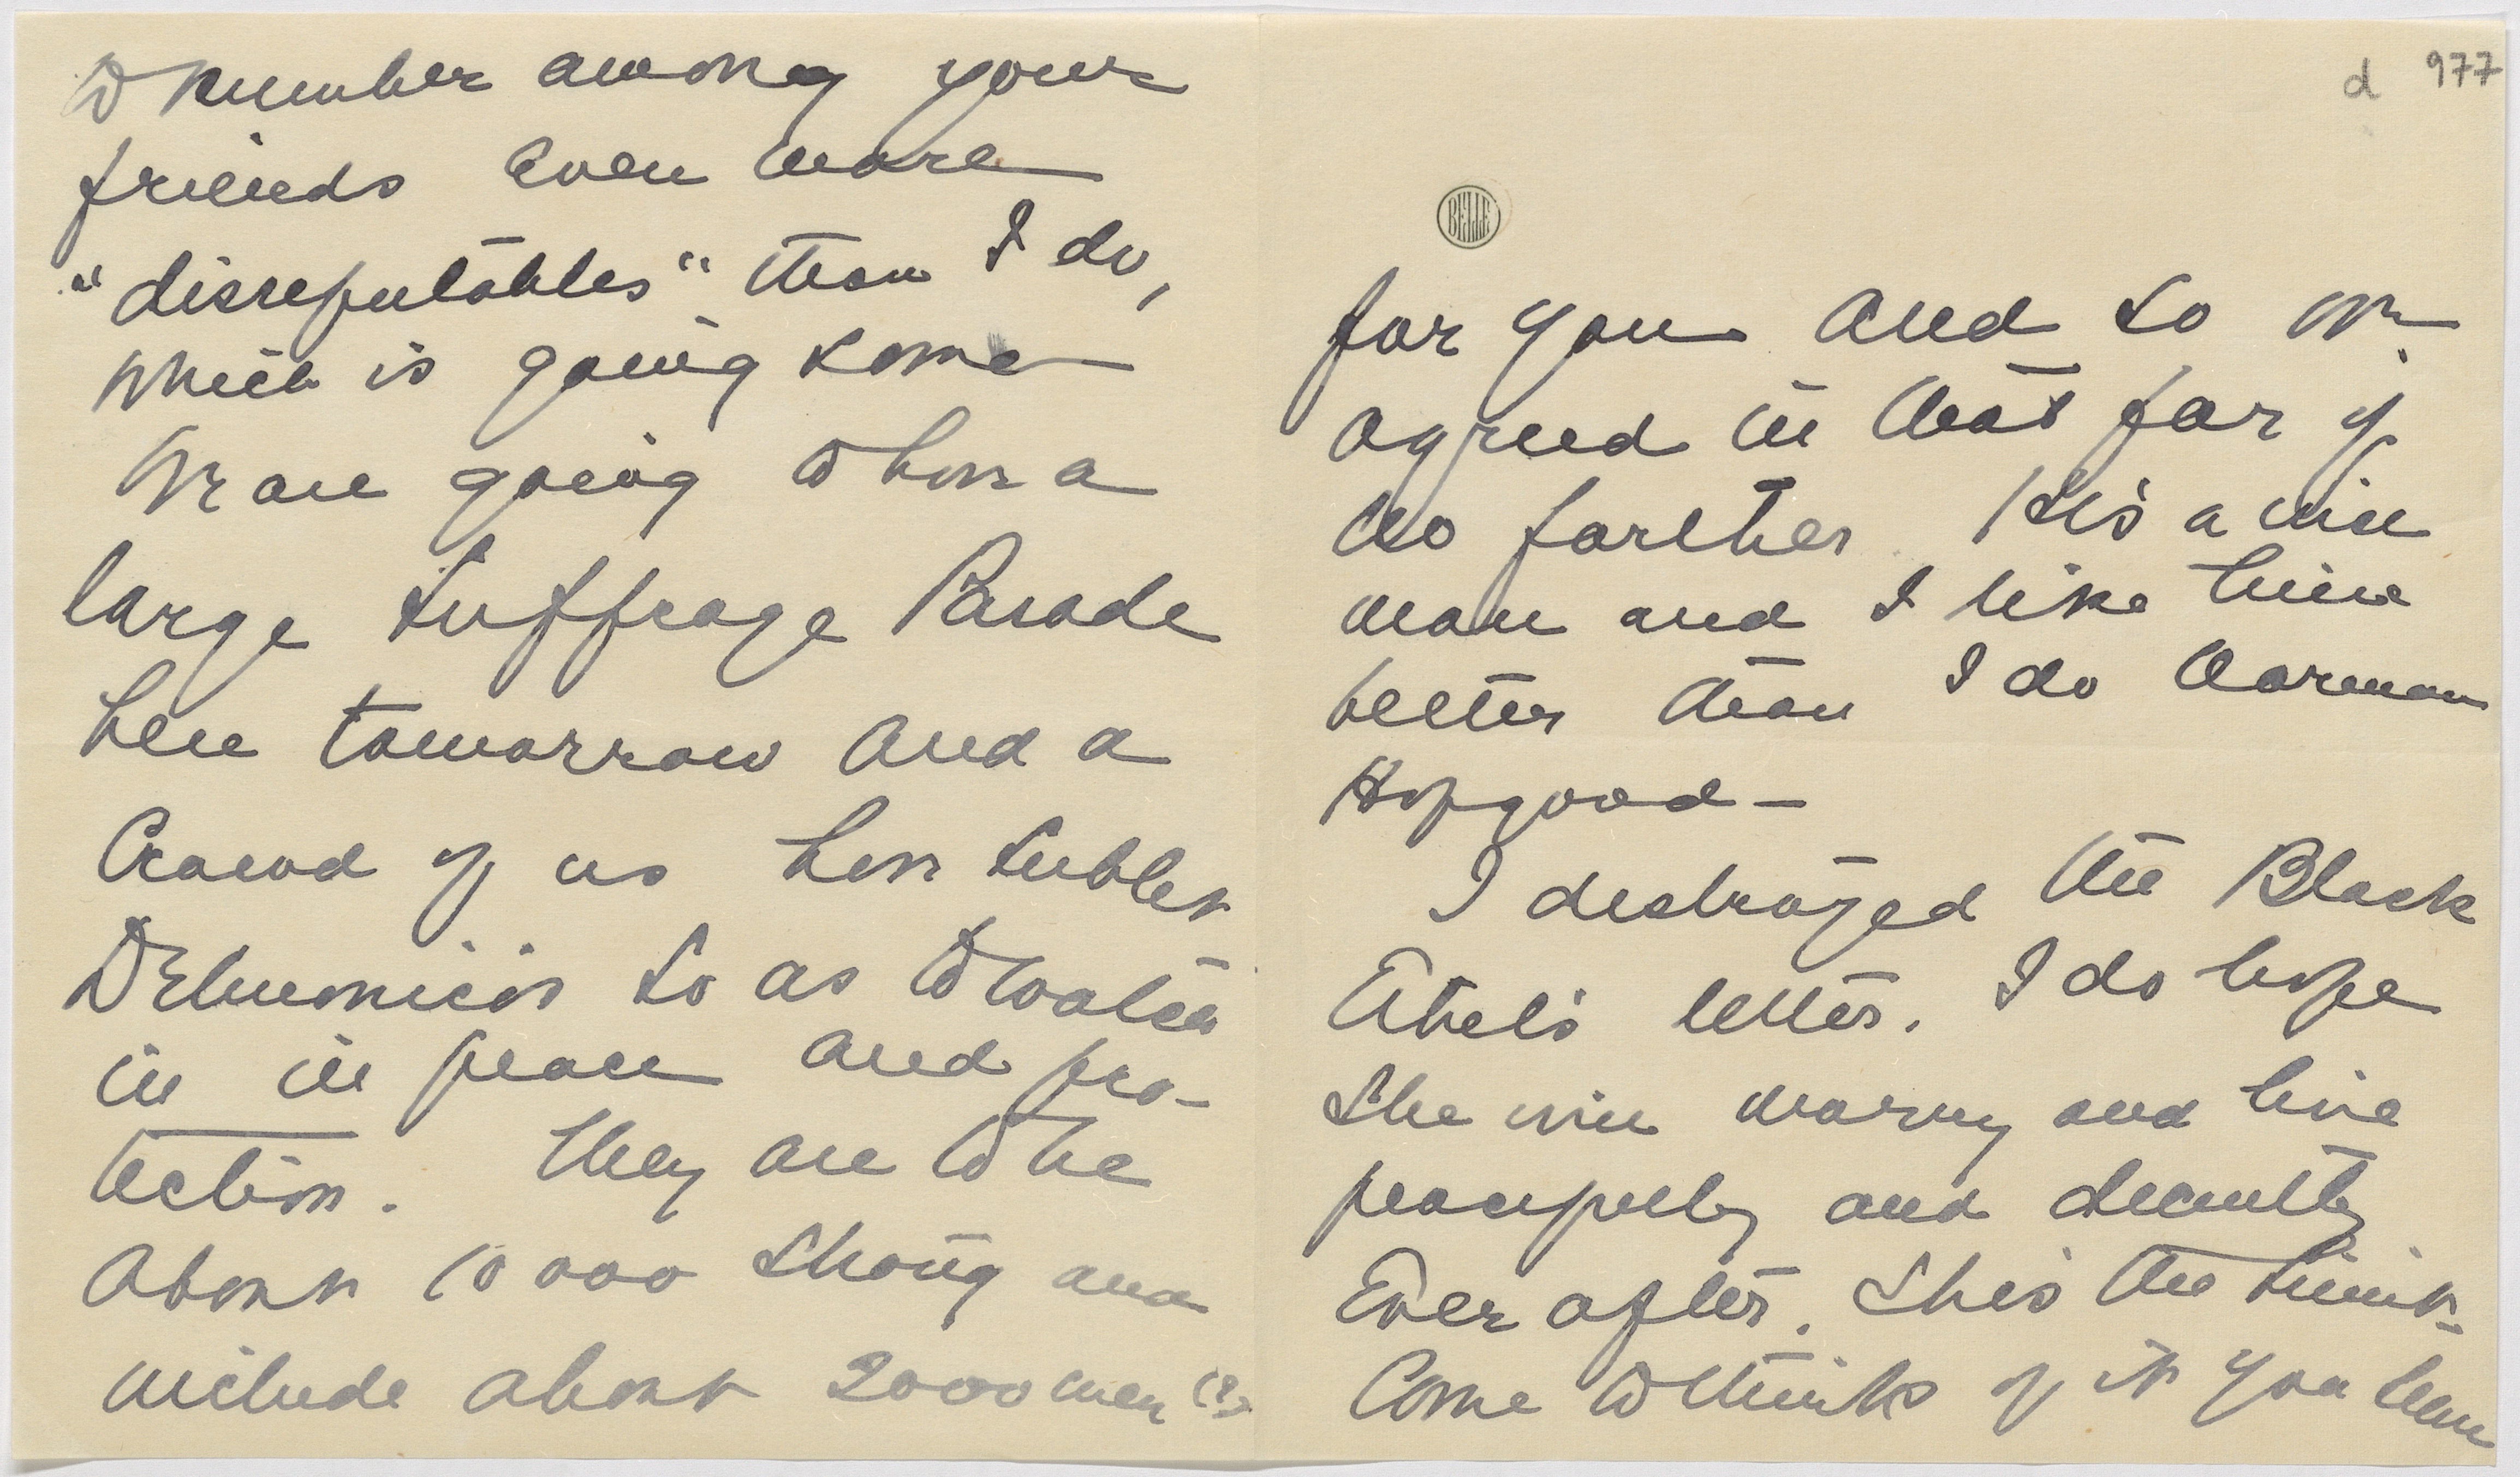for you and so we agreed in that far if no farther. He’s a nice man and I like him better than I do Norman Hapgood –
I destroyed the Black Ethel’s letter. I do hope she will marry and live peacefully and decently ever after. She’s the limit come to think of it you have
to number among your friends even more “disreputables” than I do, which is going some –
We are going to have a large Suffrage Parade here tomorrow and a crowd of us have sublet Delmonico’s so as to water in in peace and protection. They are to be about 10,000 strong and include about 2000 men (?)